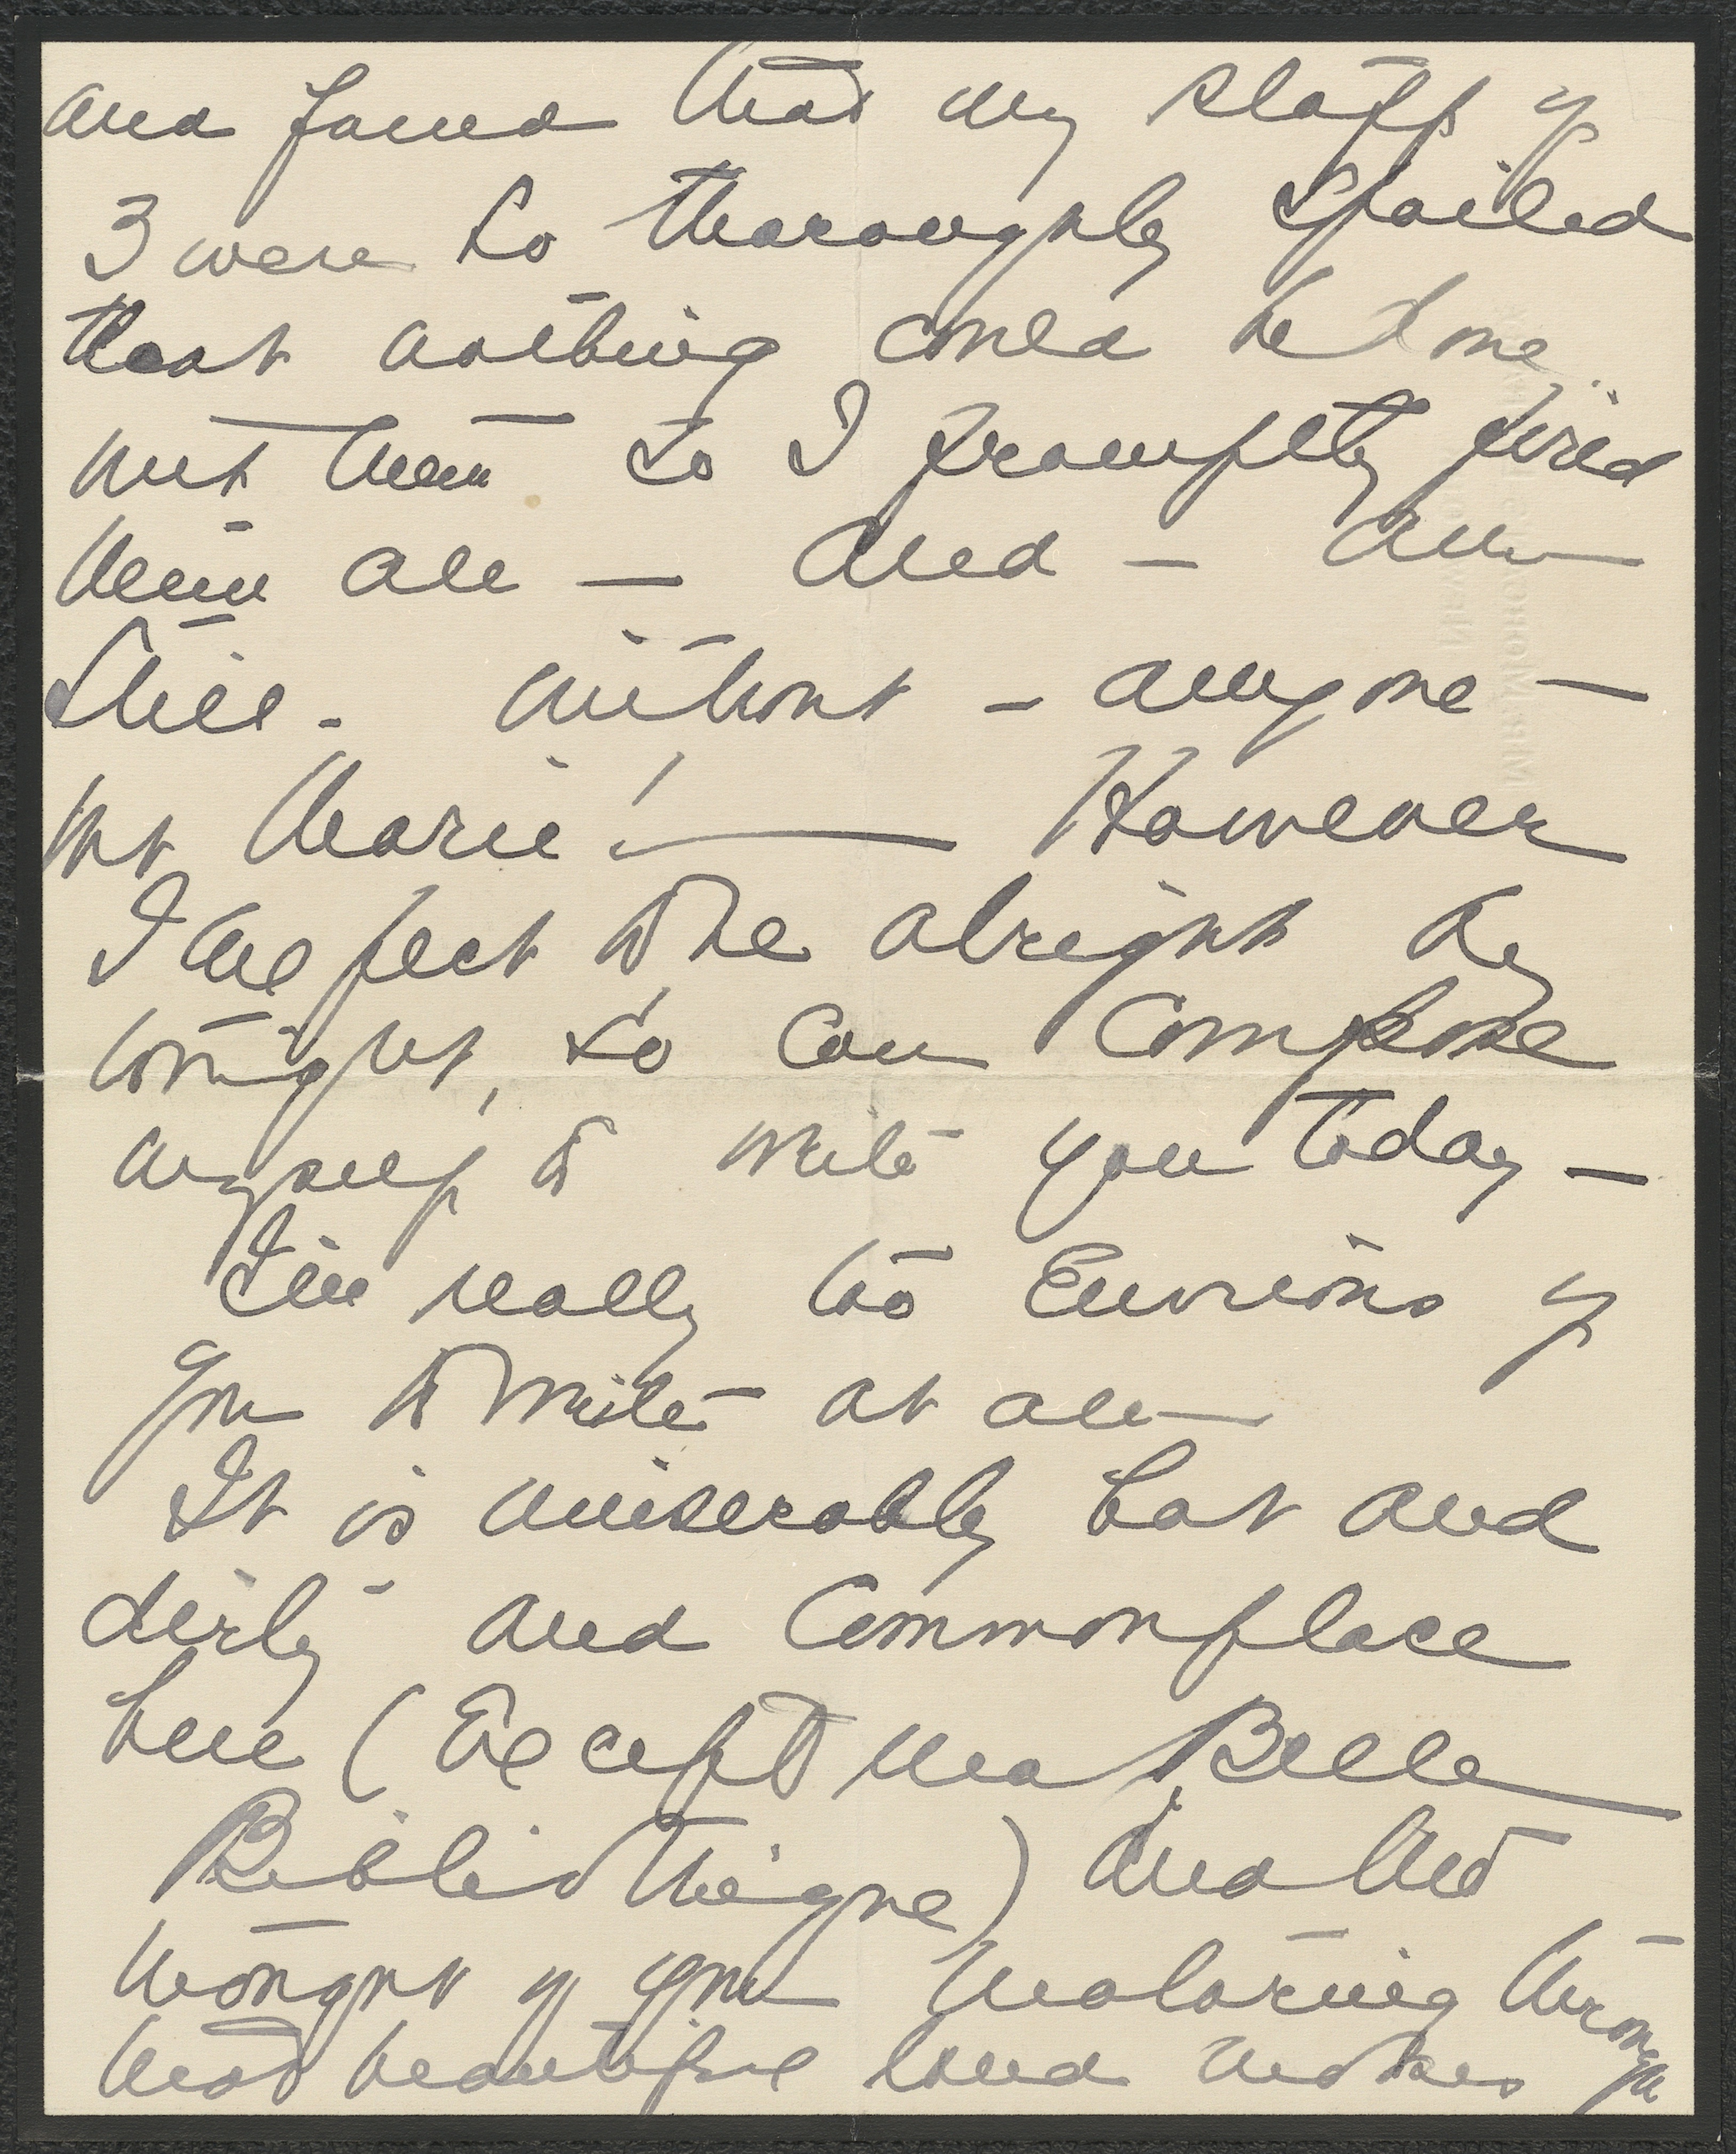and found that my staff of 3 were so thoroughly spoiled that nothing could be done with them so I promptly fired them all – and – all still – without – anyone – but Marie! – However I expect to be alright by tonight, so can compose myself to write you today – I’m really too envious of you to write [sic] – at all –
It is miserably hot and dirty and commonplace here (except ma Belle Bibliothèque) and the thought of you motoring through that beautiful land makes